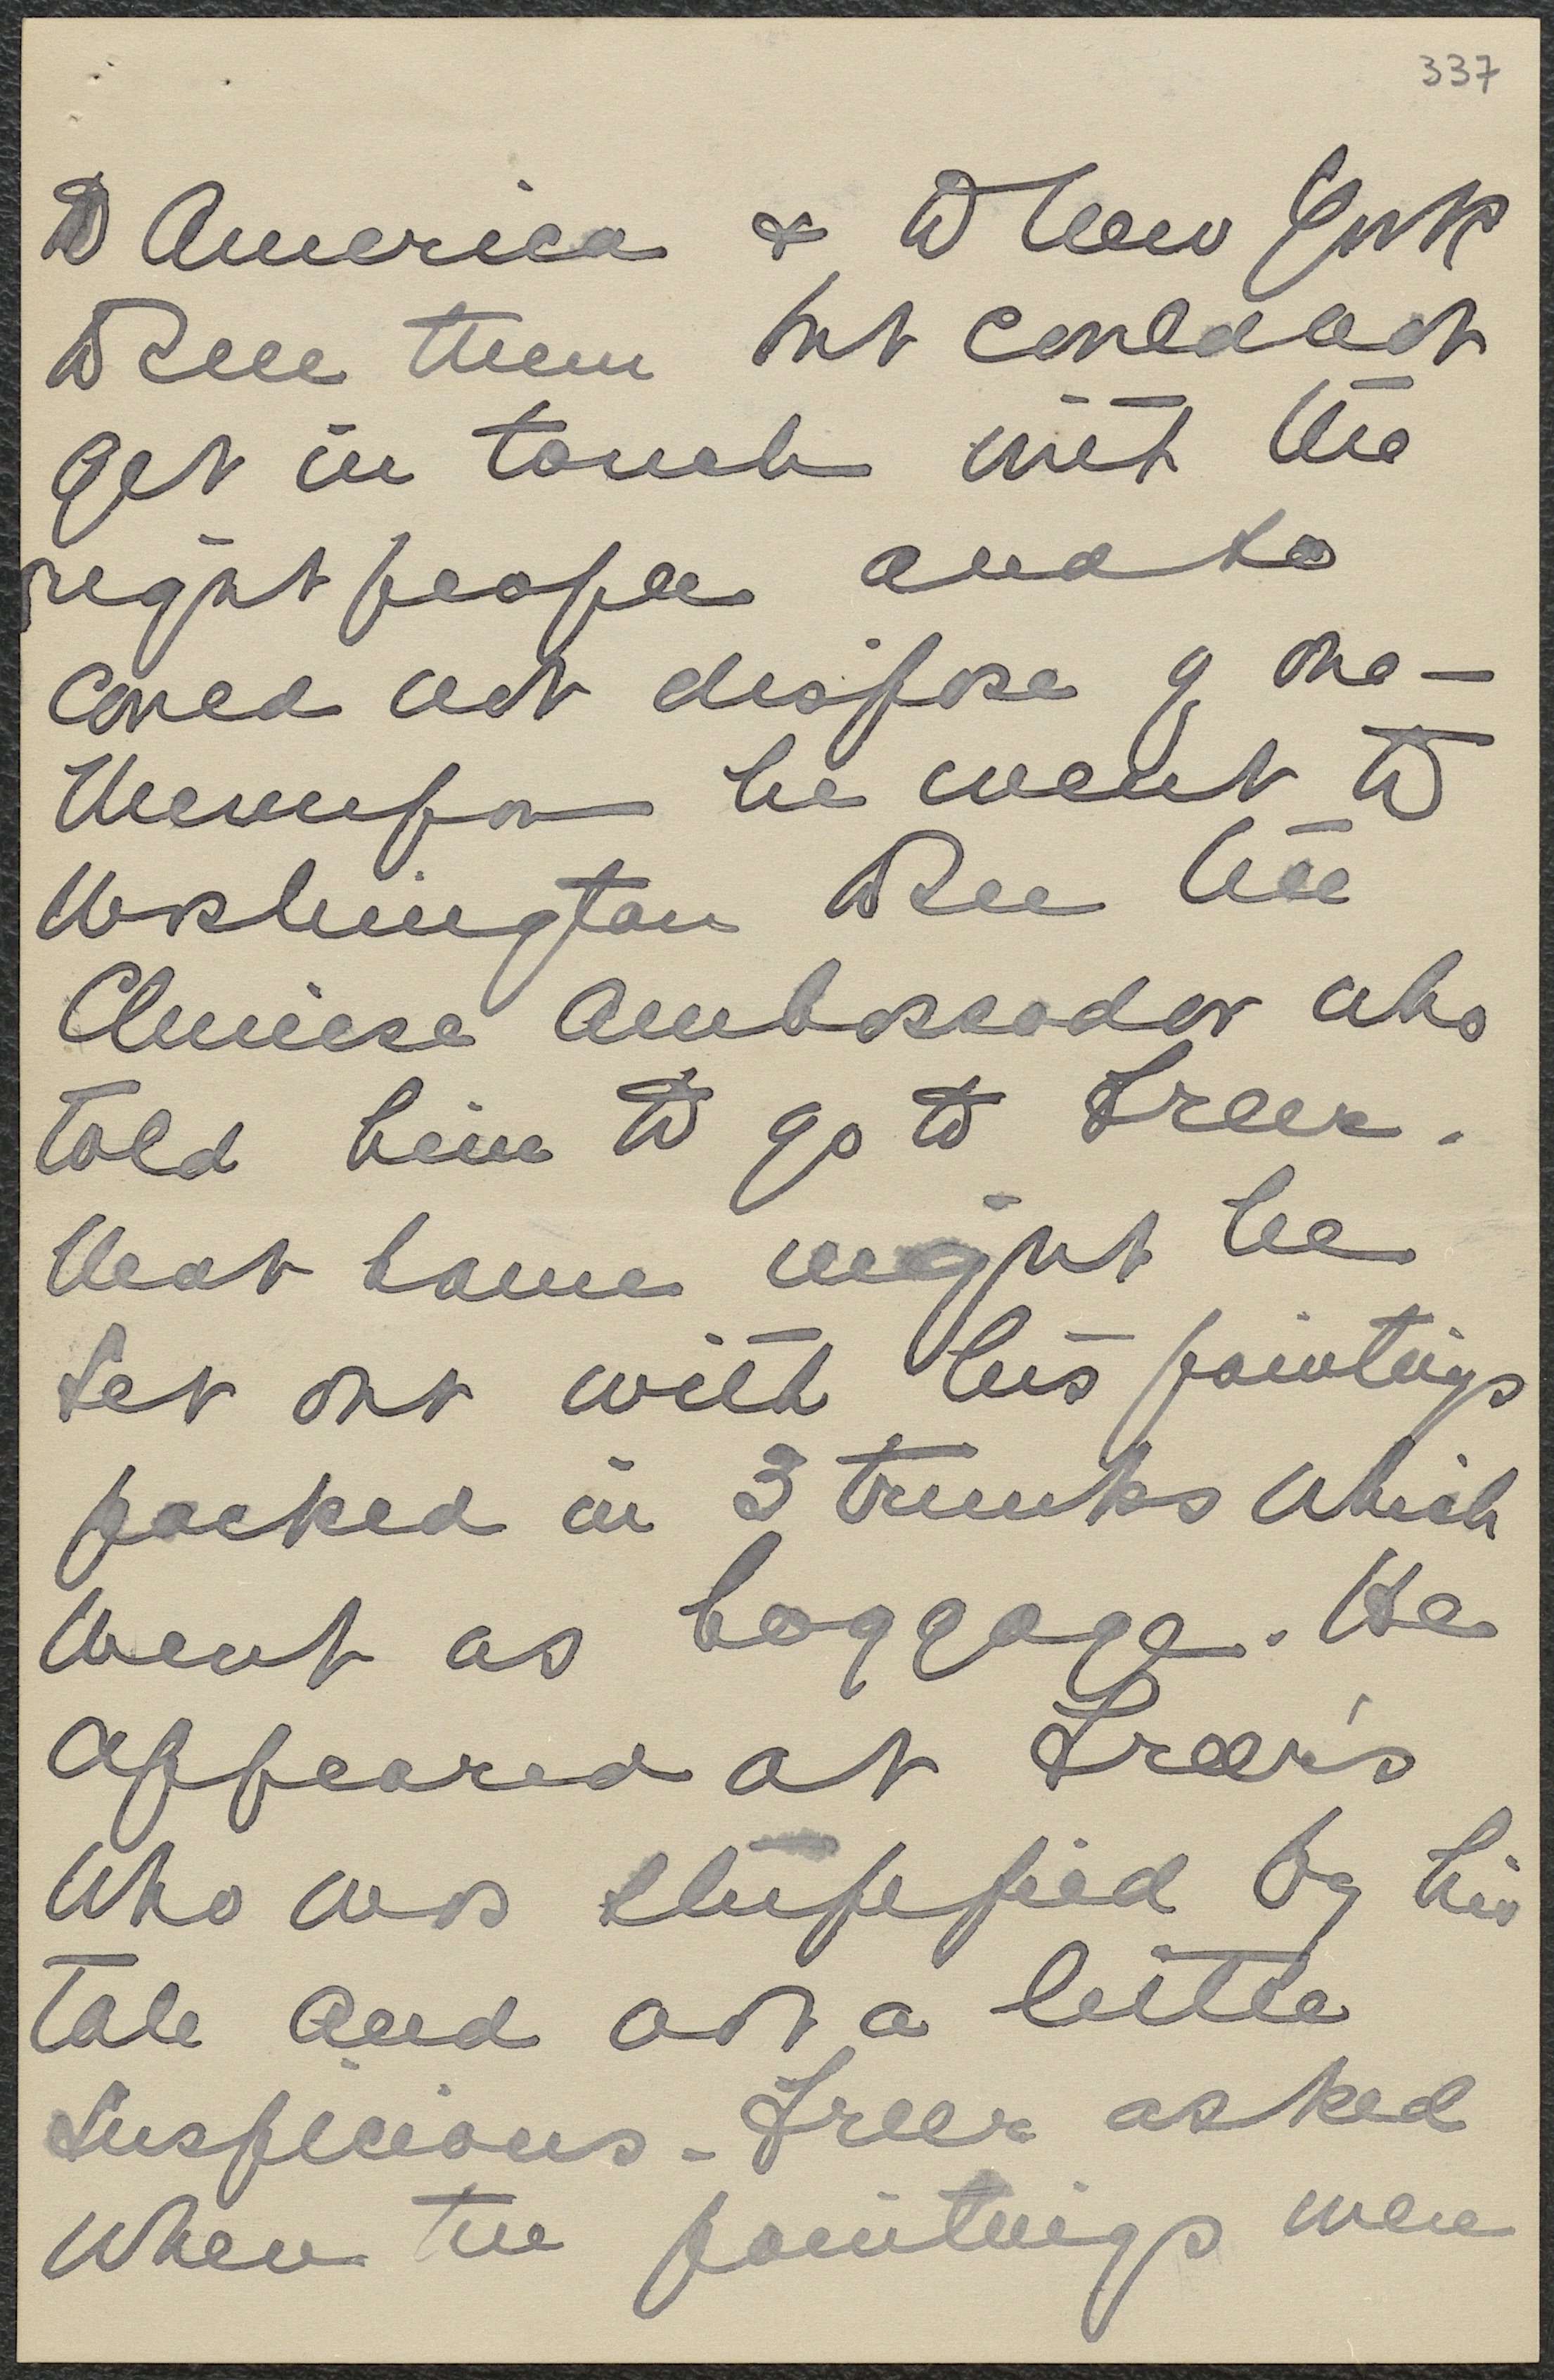to America & to New York to sell them but could not get in touch with the right people and so could not dispose of one – Therefore he went to Washington to see the Chinese ambassador who told him to go to Freer. That same night he set out with his painting packed in 3 trunks which went as baggage. He appeared at Freer’s who was stupefied by his tale and not a little suspicious – Freer asked where the paintings were